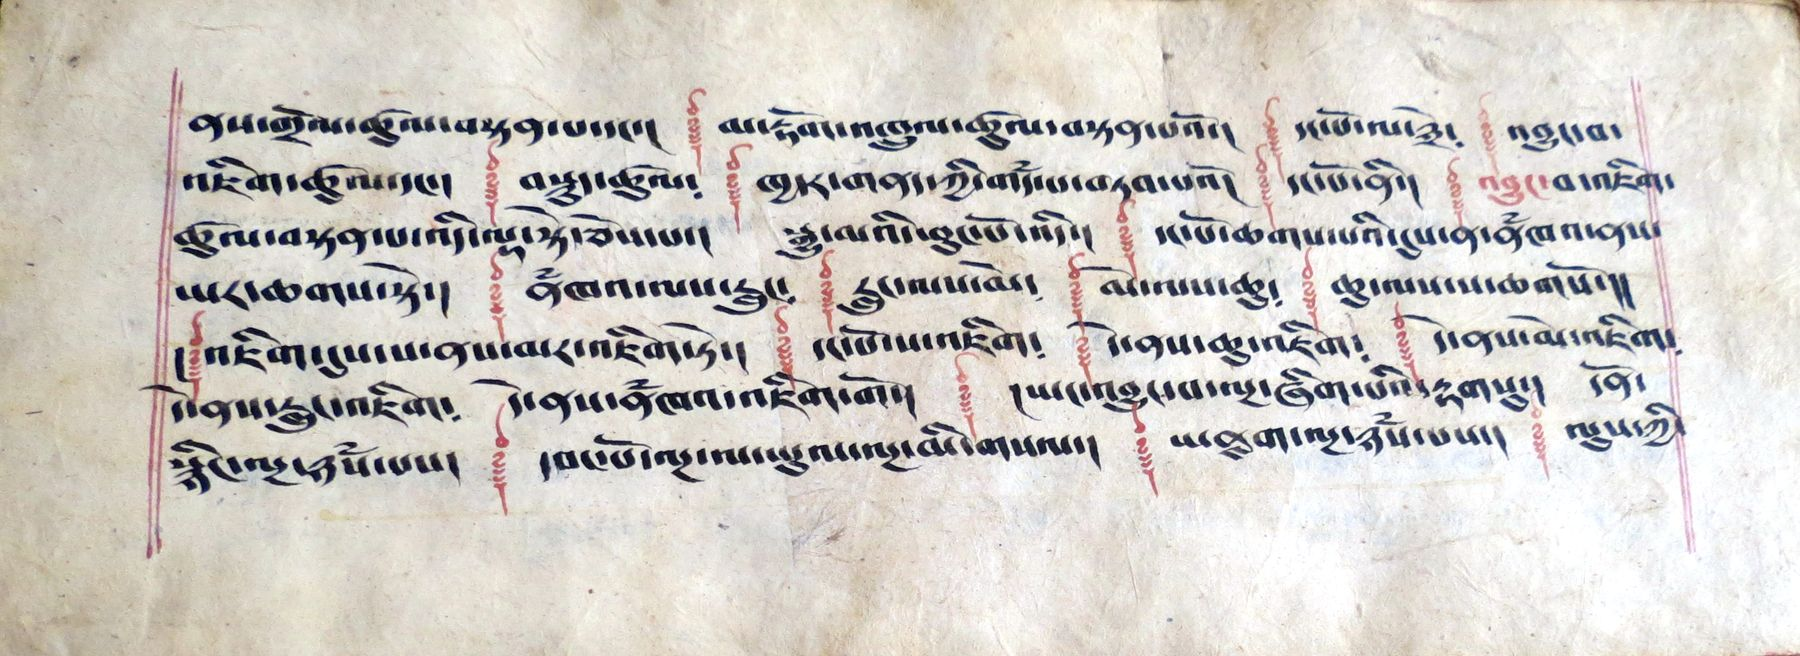ནས་གྲོལ་ཚུལ་བསྟན་པ་དང་། མ་རྟོགས་འཁྲུལ་ཚུལ་བསྟན་པའོ། མ༽ དང་པོ་ལ་གསུམ་སྟེ། འབྱུང་བ་
འཇིག་ཚུལ་དང་། བསྡུས་ཚུལ། ཁྱད་པར་གནད་ཀྱི་གདམས་པ་བཏབ་པའོ། །དང་པོ་ནི། འབྱུང་བ་འཇིག་
ཚུལ་བསྟན་པ་འདི་ལྟ་སྟེ། །ཞེས་པས། སྒྱུ་མའི་ཕུང་པོ་འདི་དང་པོ་ཆགས་པའི་དུས་ན་ནམ་མཁའ་ནས་
ཡར་ཆགས་ཏེ། ནམ་མཁའ་ལས་རླུང་། རླུང་ལས་མེ། མེ་ལས་ཆུ། ཆུ་ལས་ས་ཆགས་སོ། 
།འཇིག་པའི་དུས་ས་ནས་མར་འཇིག་སྟེ། དང་པོ་ས་འཇིག དེ་ནས་ཆུ་འཇིག དེ་ནས་མེ་འཇིག 
དེ་ནས་རླུང་འཇིག དེ་ནས་ནམ་མཁའ་འཇིག་གོ། ཡང་འབྱུང་བ་ལྔ་ཞིག་པའི་རྟགས་སུ། དོན་
སྙིང་ལྔ་ཉམས་པས། དབང་པོ་ལྔ་ལ་ཡུལ་ལྔ་མི་གསལ། ཡན་ལག་ལྔ་ཉམས་པས། ལུས་ཀྱི་